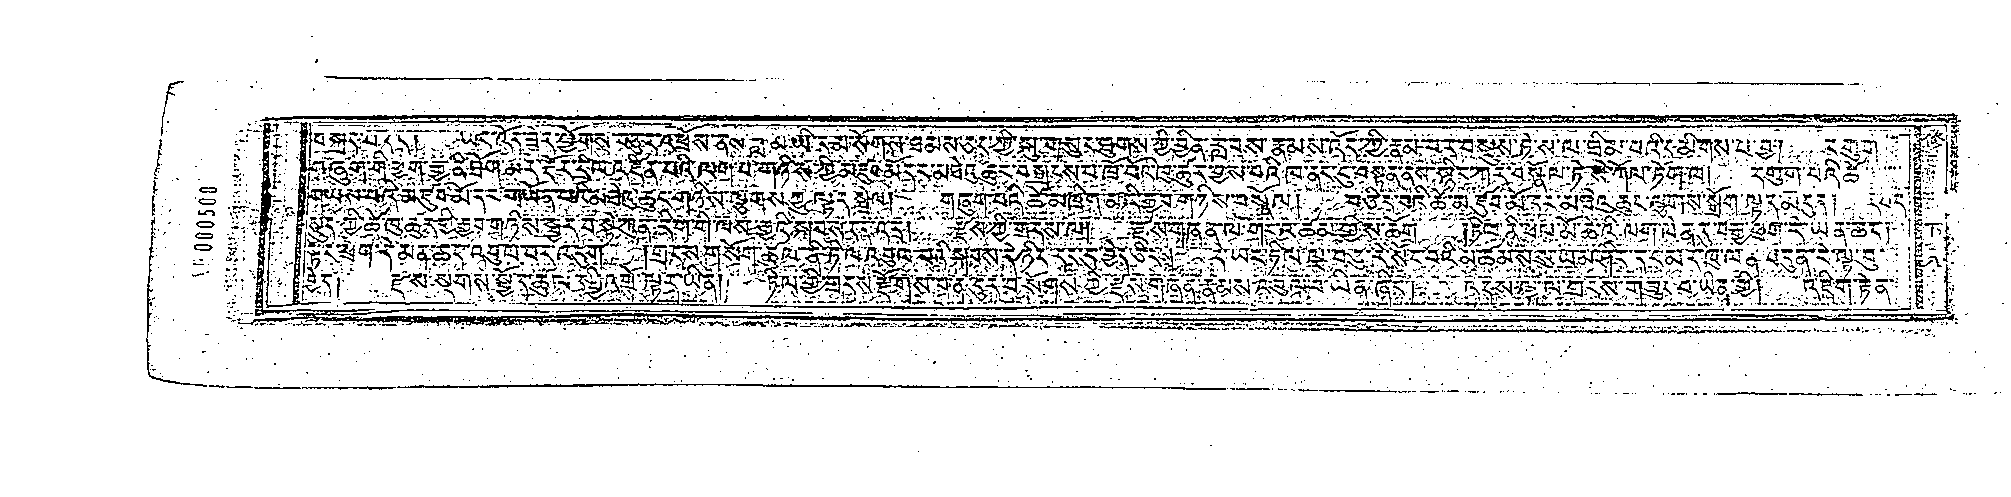བསྐྲད་པ་དང་། ཡང་འོད་ཟེར་ཕྱོགས་བཅུར་འཕྲོས་ནས་བླ་མ་ཡི་དམ་སོགས་ཐམས་ཅད་ཀྱི་སྐུ་གསུང་ཐུགས་ཀྱི་བྱིན་རླབས་རྣམས་འོད་ཀྱི་རྣམ་པར་བསྡུས་ཏེ་ས་ལ་ཐིམ་པའི་དམིགས་པ་བྱ། དགུག་
གཞུག་གི་ཕྱག་རྒྱ་ནི་ཐོག་མར་རྡོར་དྲིལ་འཛིན་པའི་ལག་པ་གཉིས་ཀྱི་མཛུབ་མོ་དང་མཐེའུ་ཆུང་བསྒྲངས་པ་ཁྲོ་བོའི་ཁུ་ཚུར་བྱས་པའི་ཁ་ནང་དུ་བསྟན་ནས་སྙིང་ཀར་བསྣོལ་ཏེ་སེ་གོལ་ཏོག་ལ། དགུག་པའི་ཚེ་
གཡས་པའི་མཛུབ་མོ་དང་གཡོན་པའི་མཐེའུ་ཆུང་གཉིས་ལྕགས་ཀྱུ་ལྟར་སྦྲེལ། གཞུག་པའི་ཚེ་མཁྲིག་མའི་རྒྱབ་གཉིས་བསྣོལ། བཅིང་བའི་ཚེ་མཛུབ་མོ་དང་མཐེའུ་ཆུང་ལྕགས་སྒྲོག་ལྟར་མདུད། དབང་
སྡུད་ཀྱི་ཚེ་ཁུ་ཚུར་གྱི་རྒྱབ་གཉིས་སྦྱར་བ་སྟེ་ཀུན་རིག་གི་ལས་རྒྱའི་སྐབས་དང་འདྲ། རྫས་ཀྱི་གྲངས་ལ། རྫས་གཞན་ལ་གང་འཚམ་གྱིས་ཆོག །ཏིལ་ནི་ཕལ་མོ་ཆེའི་ལག་ལེན་དུ་བརྒྱ་ཕྲག་རེ་ཡན་ཆང་།
སྟོང་ཕྲག་རེ་མན་ཆད་འབུལ་བར་འདུག །གྲངས་གསོག་ཚུལ་ནི་ཏིལ་འབུལ་བའི་སྐབས་དེ་ཉིད་རང་དུ་བྱེད་ཅིང་། དེ་ཡང་ཏིལ་ལྔ་བཅུ་རེ་སོང་བའི་མཚམས་སུ་ཡམ་ཤིང་དང་མར་ཁུ་ལན་བདུན་རེ་ལྟ་བུ་བྱེད། རྫས་སྔགས་སྦྱོར་ཚུལ་སྤྱི་འགྲོ་ལྟར་ཡིན། ཏིལ་གྱི་གྲངས་རྫོགས་པ་ན་དུར་བ་སོགས་ཀྱི་རྫས་གཞན་རྣམས་འབུལ་བ་ཡིན་ཞིང་། འདས་ལྷ་ལ་གྲངས་གཟུང་བ་ཡིན་གྱི། འཇིག་རྟེན་